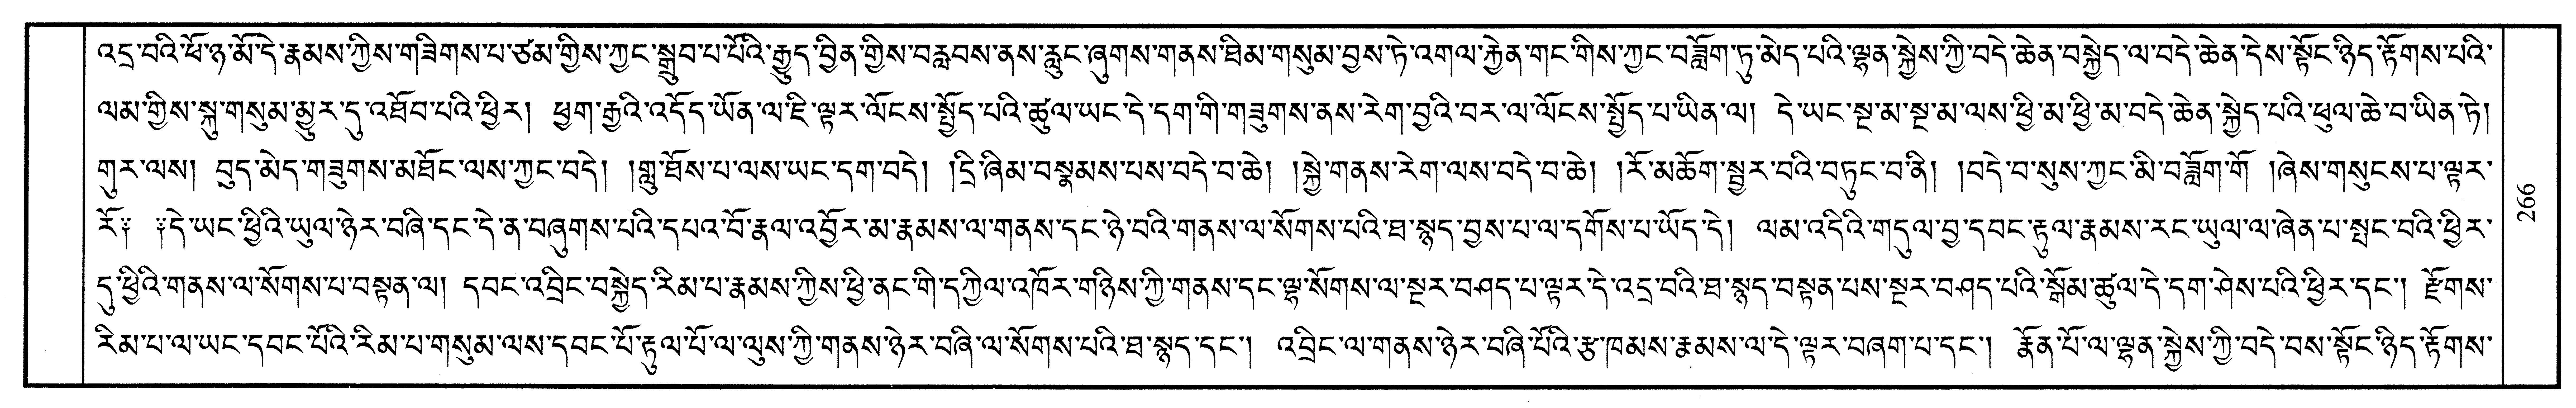འདྲ་བའི་ཕོ་ཉ་མོ་དེ་རྣམས་ཀྱིས་གཟིགས་པ་ཙམ་གྱིས་ཀྱང་སྒྲུབ་པ་པོའི་རྒྱུད་བྱིན་གྱིས་བརླབས་ནས་རླུང་ཞུགས་གནས་ཐིམ་གསུམ་བྱས་ཏེ་འགལ་རྐྱེན་གང་གིས་ཀྱང་བཟློག་ཏུ་མེད་པའི་ལྷན་སྐྱེས་ཀྱི་བདེ་ཆེན་བསྐྱེད་ལ་བདེ་ཆེན་དེས་སྟོང་ཉིད་རྟོགས་པའི་
ལམ་གྱིས་སྐུ་གསུམ་མྱུར་དུ་འཐོབ་པའི་ཕྱིར། ཕྱག་རྒྱའི་འདོད་ཡོན་ལ་ཇི་ལྟར་ལོངས་སྤྱོད་པའི་ཚུལ་ཡང་དེ་དག་གི་གཟུགས་ནས་རེག་བྱའི་བར་ལ་ལོངས་སྤྱོད་པ་ཡིན་ལ། དེ་ཡང་སྔ་མ་སྔ་མ་ལས་ཕྱི་མ་ཕྱི་མ་བདེ་ཆེན་སྐྱེད་པའི་ཕུལ་ཆེ་བ་ཡིན་ཏེ།
གུར་ལས། བུད་མེད་གཟུགས་མཐོང་ལས་ཀྱང་བདེ། །གླུ་ཐོས་པ་ལས་ཡང་དག་བདེ། །དྲི་ཞིམ་བསྣམས་པས་བདེ་བ་ཆེ། །སྐྱེ་གནས་རེག་ལས་བདེ་བ་ཆེ། །རོ་མཆོག་སྦྱར་བའི་བཏུང་བ་ནི། །བདེ་བ་སུས་ཀྱང་མི་བཟློག་གོ །ཞེས་གསུངས་པ་ལྟར་
རོ༑ ༑དེ་ཡང་ཕྱིའི་ཡུལ་ཉེར་བཞི་དང་དེ་ན་བཞུགས་པའི་དཔའ་བོ་རྣལ་འབྱོར་མ་རྣམས་ལ་གནས་དང་ཉེ་བའི་གནས་ལ་སོགས་པའི་ཐ་སྙད་བྱས་པ་ལ་དགོས་པ་ཡོད་དེ། ལམ་འདིའི་གདུལ་བྱ་དབང་རྟུལ་རྣམས་རང་ཡུལ་ལ་ཞེན་པ་སྤང་བའི་ཕྱིར་
དུ་ཕྱིའི་གནས་ལ་སོགས་པ་བསྟན་ལ། དབང་འབྲིང་བསྐྱེད་རིམ་པ་རྣམས་ཀྱིས་ཕྱི་ནང་གི་དཀྱིལ་འཁོར་གཉིས་ཀྱི་གནས་དང་ལྷ་སོགས་ལ་སྔར་བཤད་པ་ལྟར་དེ་འདྲ་བའི་ཐ་སྙད་བསྟན་པས་སྔར་བཤད་པའི་སྒོམ་ཚུལ་དེ་དག་ཤེས་པའི་ཕྱིར་དང་། རྫོགས་
རིམ་པ་ལ་ཡང་དབང་པོའི་རིམ་པ་གསུམ་ལས་དབང་པོ་རྟུལ་པོ་ལ་ལུས་ཀྱི་གནས་ཉེར་བཞི་ལ་སོགས་པའི་ཐ་སྙད་དང་། འབྲིང་ལ་གནས་ཉེར་བཞི་པོའི་རྩ་ཁམས་རྣམས་ལ་དེ་ལྟར་བཞག་པ་དང་། རྣོན་པོ་ལ་ལྷན་སྐྱེས་ཀྱི་བདེ་བས་སྟོང་ཉིད་རྟོགས་